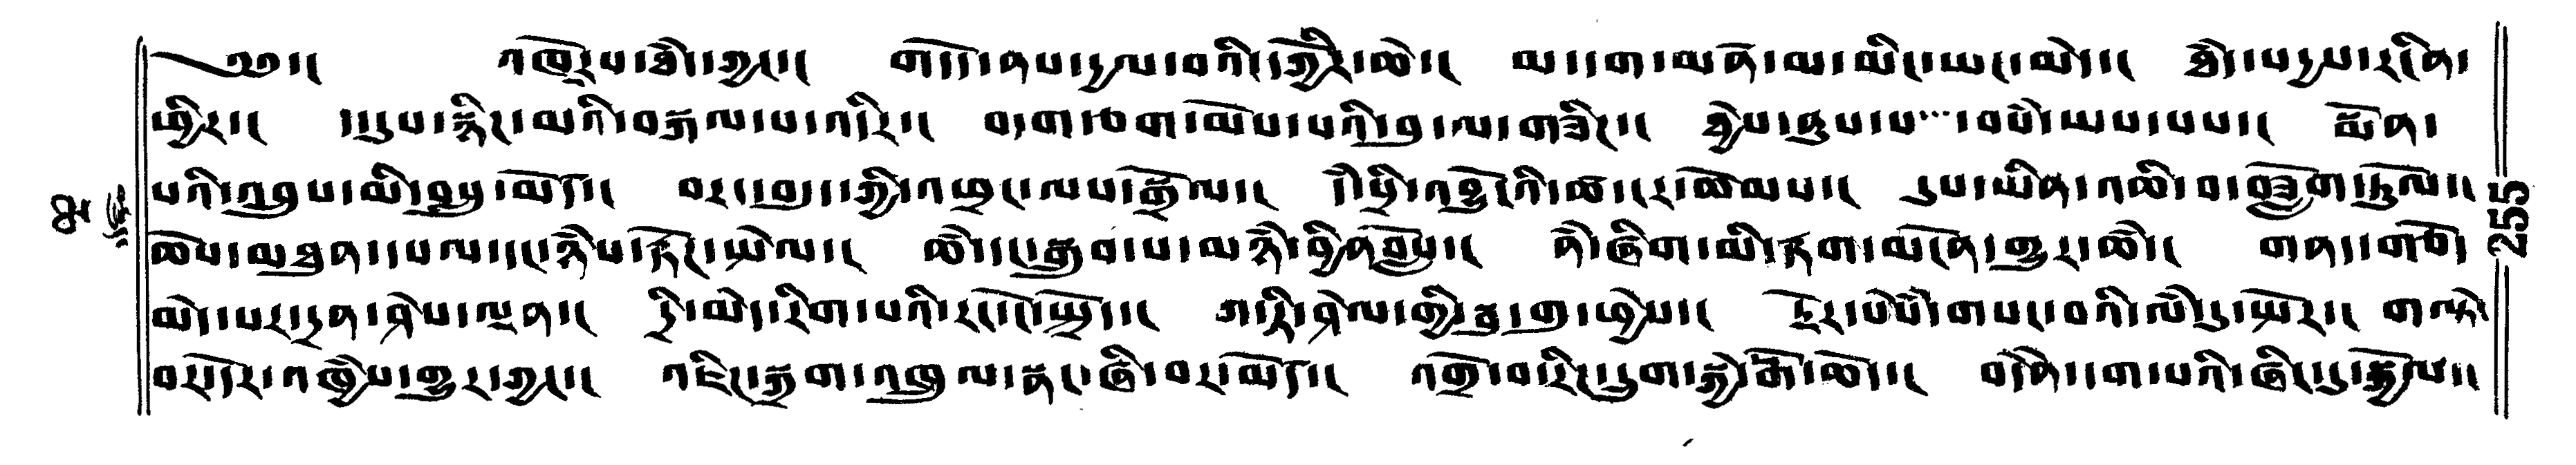འཁོར་བཅས་ཐམས་ཅད་ཀྱང་། །གདོད་ནས་རྒྱལ་བའི་དཀྱིལ་འཁོར་ཆེ། །མ་དག་མཚན་མ་མིང་ཡང་མེད། །ཐམས་ཅད་སངས་རྒྱས་རང་བཞིན་
ཕྱིར། །ད་དུས་སྙིགས་མའི་བསྐལ་པ་འདིར། །བདག་ཅག་མོས་པའི་བུ་ལ་གཟིགས། །ཐུགས་རྗེ་ནུས་པ་བསམ་ཡས་པས། །སྨོན་
པའི་འབྲས་བུ་མི་བསླུ་མཛོད། །བར་ཆད་བདུད་ཀྱི་འཕྲང་ལས་སྒྲོལ། །དམ་སྲི་འབྱུང་པོའི་ཚ་ངར་ཆོམས། །དུས་མིན་འཆི་བ་བཟློག་ཏུ་གསོལ། །
ཆོས་མཐུན་དཔལ་དང་ཉམས་རྟོགས་སྤེལ། །ཚེ་དང་སྒྲུབ་པ་མཉམ་བྱིན་རློབས། །ནམ་ཞིག་མི་རྟག་མངོན་གྱུར་ཚེ། །གནད་གཅོད་
མེད་པར་དྲན་ཤེས་ལྡན། །དྲི་མེད་རིག་པའི་རང་ངོ་སྤྲོད། །ཀ་ཏི་ཤེལ་གྱི་སྦུ་གུ་ཕྱེས། །རྡོར་སེམས་གསང་བའི་ལམ་དུ་སྤོར། །གལ་ཏེ་
བར་དོར་འཁྱམས་གྱུར་ཀྱང་། །འཇིགས་སྐྲག་འཁྲུལ་སྣང་ཞི་བར་མཛོད། །འགྲོ་བ་རིགས་དྲུག་སྐྱེ་སྒོ་ཆོད། །བདེ་ཆེན་དག་པའི་ཞིང་དུ་སྐྱོལ།